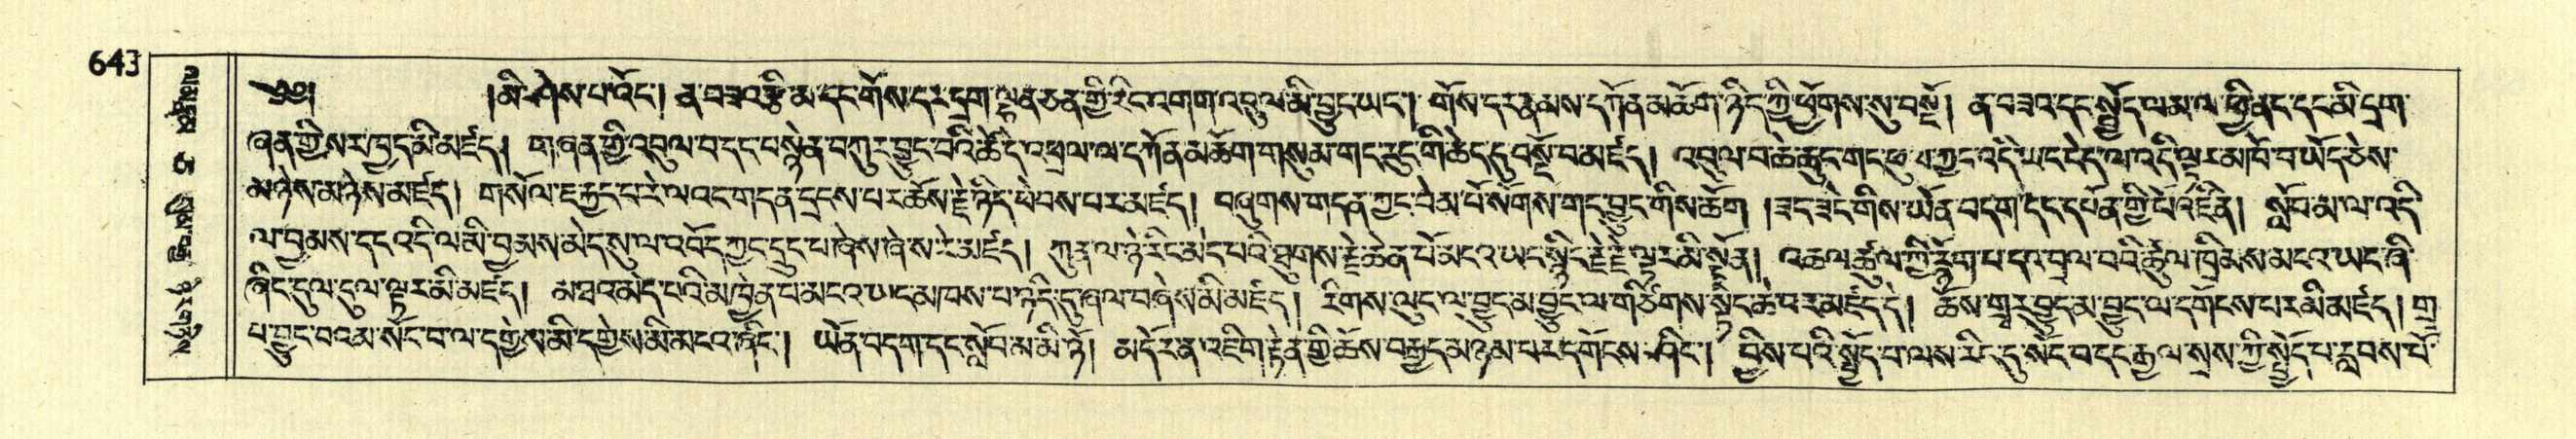༄༅། །མི་ཤེས་པ་འོང་། ན་བཟའ་རྩི་མ་དང་གོས་དར་དྲག་ལྷན་ཅན་གྱི་རིང་འགག་འབུལ་མི་བྱུང་ཡང་། གོས་དར་རྣམས་དཀོན་མཆོག་ཉིད་ཀྱི་ཕྱོགས་སུ་བསྔོ། ན་བཟའ་དང་སྤྱོད་ལམ་ལ་ཕྱི་ནང་དང་མི་དྲག་
ཞན་གྱི་སར་ཁྱད་མི་མཛད། གཞན་གྱི་འབུལ་བ་དང་བསྙེན་བཀུར་བྱུང་བའི་ཚེ་དེ་འཕྲལ་ལ་དཀོན་མཆོག་གསུམ་གང་རུང་གི་ཆེད་དུ་བསྔོ་བ་མཛད། འབུལ་བ་ཆེ་ཆུང་གང་ཕུལ་ཀྱང་འདི་ཡང་ངེད་ལ་འདི་ལྟར་མཁོ་བ་ཡོད་ཅེས་
མཉེས་མཉེས་མཛད། གསོལ་ཇ་རྐྱང་པ་རེ་ལའང་གདན་དྲངས་པར་ཆོས་རྗེ་ཉིད་ཕེབས་པར་མཛད། བཞུགས་གདན་ཀྱང་བེམ་པོ་སོགས་གང་བྱུང་གིས་ཆོག །ཟང་ཟིང་གིས་ཡོན་བདག་དང་དཔོན་གྱི་པོ་འཛིན། སློབ་མ་ལ་འདི་
ལ་བྱམས་དང་འདི་ལ་མི་བྱམས་མེད་སུ་ལ་འབོད་ཀྱང་དྲུང་པ་ཞེས་ཞེ་ས་རེ་མཛད། ཀུན་ལ་ཉེ་རིང་མེད་པའི་ཐུགས་རྗེ་ཆེན་པོ་མངའ་ཡང་སྙིང་རྗེ་རྗེ་ལྟར་མི་སྟོན། འཆལ་ཚུལ་ཀྱི་རྙོག་པ་ད་འབྲལ་བའི་ཚུལ་ཁྲིམས་མངའ་ཡང་ཞི་
ཞིང་དུལ་དུལ་ལྟར་མི་མཛད། མཐའ་མེད་པའི་མཁྱེན་པ་མངའ་ཡང་མཁས་པ་ཉིད་དུ་ཞལ་བཞེས་མི་མཛད། རིགས་ལུང་ལ་བྱུང་མ་བྱུང་ལ་གཙིགས་སྟིང་ཆེ་བར་མཛད་དེ། ཆོས་གྲྭར་བྱུང་མ་བྱུང་ལ་དགོངས་པར་མི་མཛད། གྲྭ་
པ་བྱུང་བའམ་སོང་བ་ལ་དགྱེས་མི་དགྱེས་མི་མངའ་ཞིང་། ཡོན་བདག་དང་སློབ་མ་མི་ཉོ། མདོར་ན་འཇིག་རྟེན་གྱི་ཆོས་བརྒྱད་མཉམ་པར་དགོངས་ཤིང་། བྱིས་པའི་སྤྱོད་པ་ལས་རིང་དུ་སོང་བ་དང་རྒྱལ་སྲས་ཀྱི་སྤྱོད་པ་རླབས་པོ་